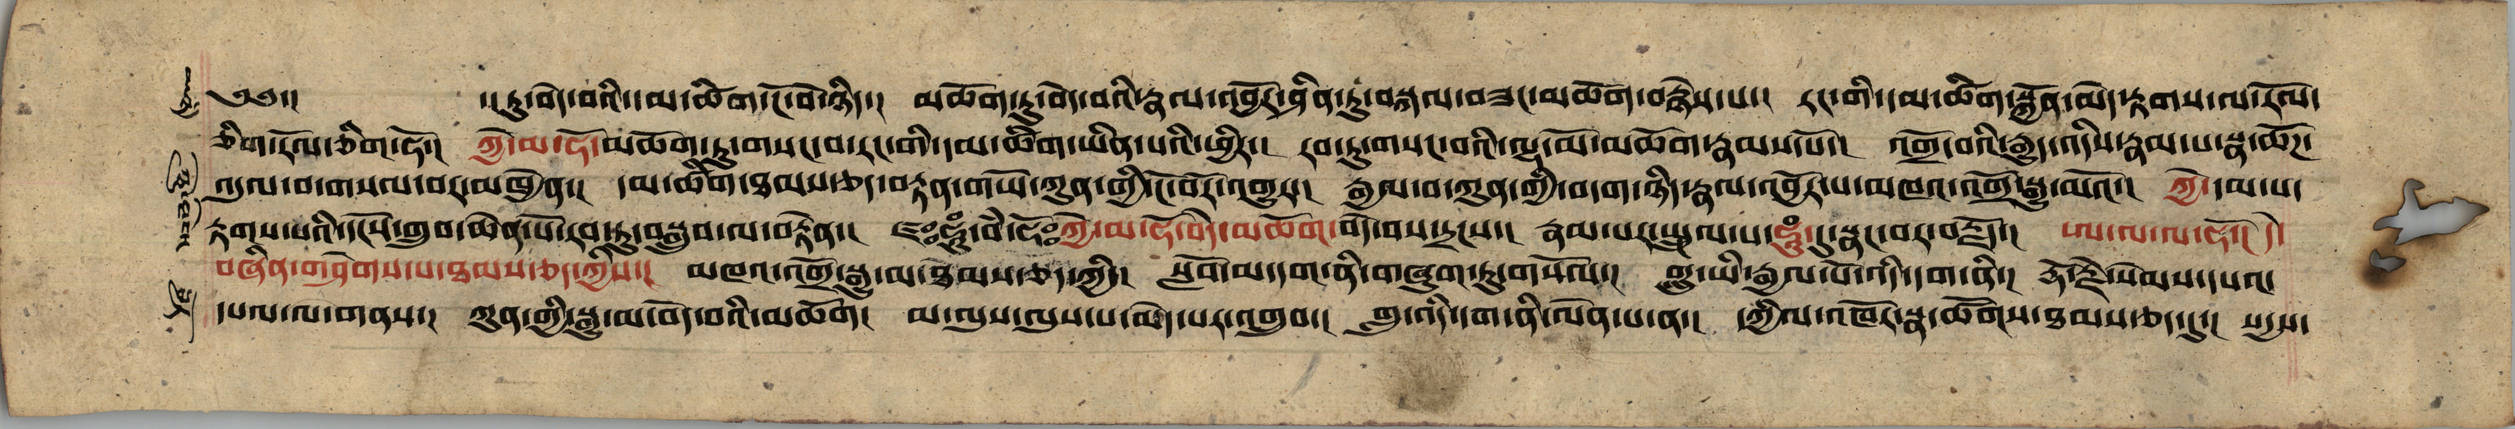༄༅་། ་།ཏུ་བདེ་བའི་དམ་ཚིག་ངོ་བོ་ནི་། མཆོག་ཏུ་དགེ་བའི་རྣལ་འབྱོར་ཤིན་ཏུ་བསྐལ་བཟང་མཆོག་བརྙེས་པ་། རང་གི་དམ་ཚིག་སྐྱོན་མེད་རྟགས་ལ་རོལ་།
ཅིག་རོལ་ཅིག་ཧོ་། ཀྱེ་མ་ཧོ་མཆོག་ཏུ་གསང་བ་རང་གི་དམ་ཚིག་ཡིན་པའི་ཕྱིར་། རབ་ཏུ་གསང་བའི་ལྷ་མོ་མཆོག་རྣམས་པའོ་། འགྲོ་བའི་རྒྱུད་འདིས་རྣམ་པ་སྣ་ཚོཌ་
འདུལ་བ་གསལ་བར་མཁྱེན་། དམ་ཚིག་ཐམས་ཅད་བརྟན་གཡོ་ཀུན་གྱི་ངོ་བོར་འགྱུར་། རྒྱལ་བ་ཀུན་གྱི་བདག་ཉིད་རྣལ་འབྱོར་པ་མཁའ་འགྲོ་སྒྱུ་མའོ་། ཀྱེ་དམ་པ་
རྟགས་པའི་དངོས་གྲུབ་ཆེན་པོ་རབ་ཏུ་བསྒྲུབ་ལ་བརྟེན་། ཛཿཧཱུཾ་བཾ་ཧོཿཀྱེ་མ་ཧོ་བདེ་མཆོག་བདེ་བས་དྲངས་། རྣམ་པར་སྤྲུལ་པ་ཧཱུཾ་དུ་སྣང་བར་བརྗོད་། ཨ་ལ་ལ་ཧོ་། དེ་
བཞིན་གཤེགས་པ་ཐམས་ཅད་ཀྱིས་། མཁའ་འགྲོ་སྒྱུ་མ་ཐམས་ཅད་ཀྱི་། སློབ་མ་དག་ནི་གཞུག་ཏུ་གསོལ་། གླུ་ཡི་རྒྱལ་པོ་འདི་དག་ནི་། རྡོ་རྗེ་སེམས་དཔའ་
དཔལ་ལ་གནས་། ཀུན་གྱི་སྒྱུ་མ་བདེ་བའི་མཆོག། མ་ལུས་ལུས་པ་མེད་པར་འགྲུབ་། གླུ་འདི་དག་ནི་ལེན་པ་ན་། དཀྱིལ་འཁོར་སྣ་ཚོགས་ཐམས་ཅད་དུ་། སདྱས་